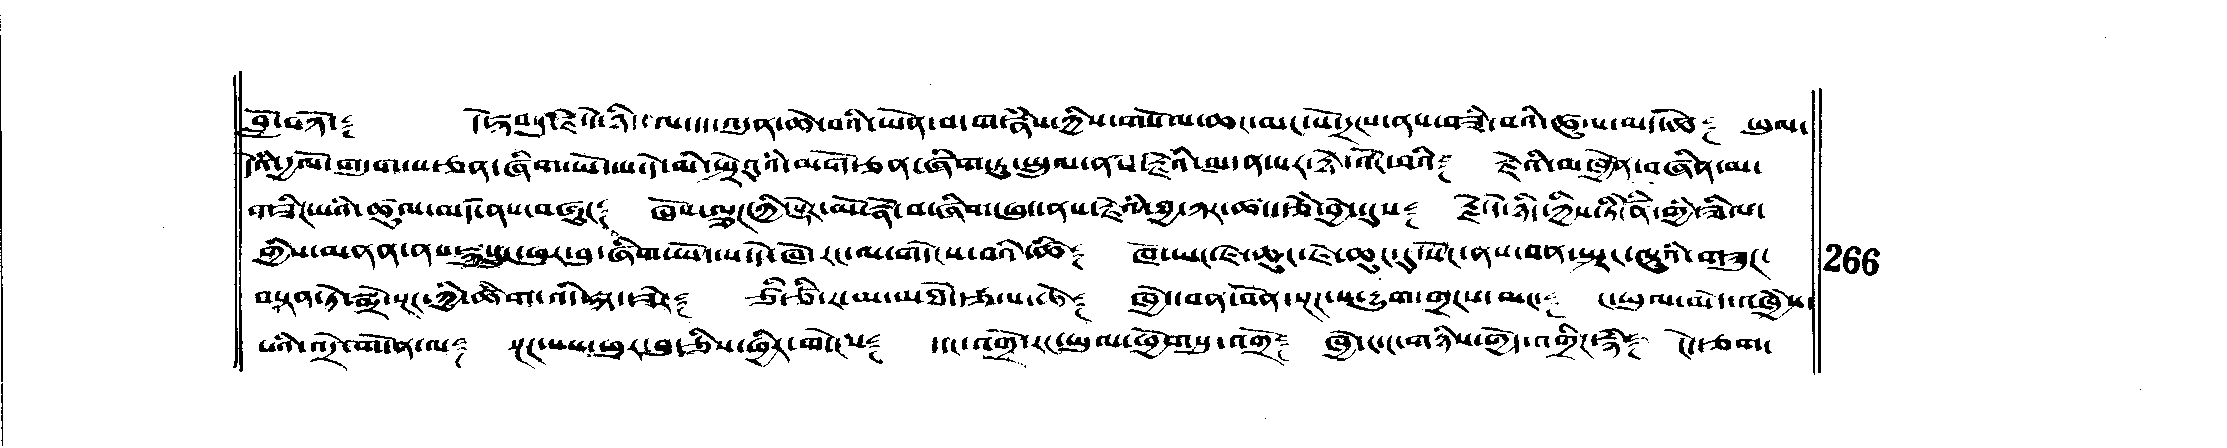བློ་བཀོད། དེ་སྐབས་སུ་རྗེ་དེ་ཉིད་ལ་དད་འདུན་ཆེ་བའི་ཡོན་བདག་རྣམས་ཀྱིས་གསོལ་ཆང་མང་པོ་དྲངས་ནས་བཟི་བའི་ཚུལ་མཛད་ཚེ། ཡུལ་
དེའི་རྒྱལ་པོ་གདུགས་ཅན་ཞིག་ཡོད་པ་དེ་མི་སྤྲེའུའི་མགོ་ཅན་ཞིག་ཏུ་སྤྲུལ་ནས་རྗེའི་མདུན་སར་༼རྙེ་?༽འོང་བས། རྗེའི་མཁྱེན་བཞིན་མ་
གཟིགས་པའི་ཚུལ་མཛད་ནས་བཞུགས། ཁོས་ལྕགས་ཀྱི་སྡེར་མོ་རྣོ་བ་ཞིག་ཕུད་ནས་རྗེའི་ཐུགས་ཀར་ཚད་རྩམ་བྱེད་དུས། རྗེ་དེ་ཉིད་ཀྱིས་ཏིང་ངེ་འཛིན་གྱི་ཟིལ་
གྱིས་མནན་ནས་སྐུ་དྲུང་ཕུར་བུ་ཞིག་ཡོད་པ་དེ་ཁོ་རང་ལ་གདེངས་བའི་ཚེ། ཁོ་ཡང་ཇེ་ཆུང་ཇེ་ཆུང་དུ་སོང་ནས་བན་སྤྲང་ལྟ་བུའི་གཟུགས་
བསྟན་ཏེ་སྨྲེ་སྔགས་ཀྱི་ཚིག་འདི་སྐད་ཟེར། ཙི་ཙི་ར་མ་མཐོ་རྩལ་ཆེ། ཁྱེད་བན་བོན་སྔགས་པ་རྒྱུག་གྲངས་མང་། །ང་ཡུལ་མེད་འཁྱམས་
པའི་འདྲེ་གདོན་ལ། །སྔགས་པས་ཕུར་བུ་ཅིས་ཕྱིར་གདེངས། །ད་ང་འགྲོ་རང་ཡུལ་ཕྱོགས་སུ་འགྲོ། ཁྱེད་རང་ང་གཉིས་གྱོད་འགྲིགས་སྙམ། །ངེད་ཅག་